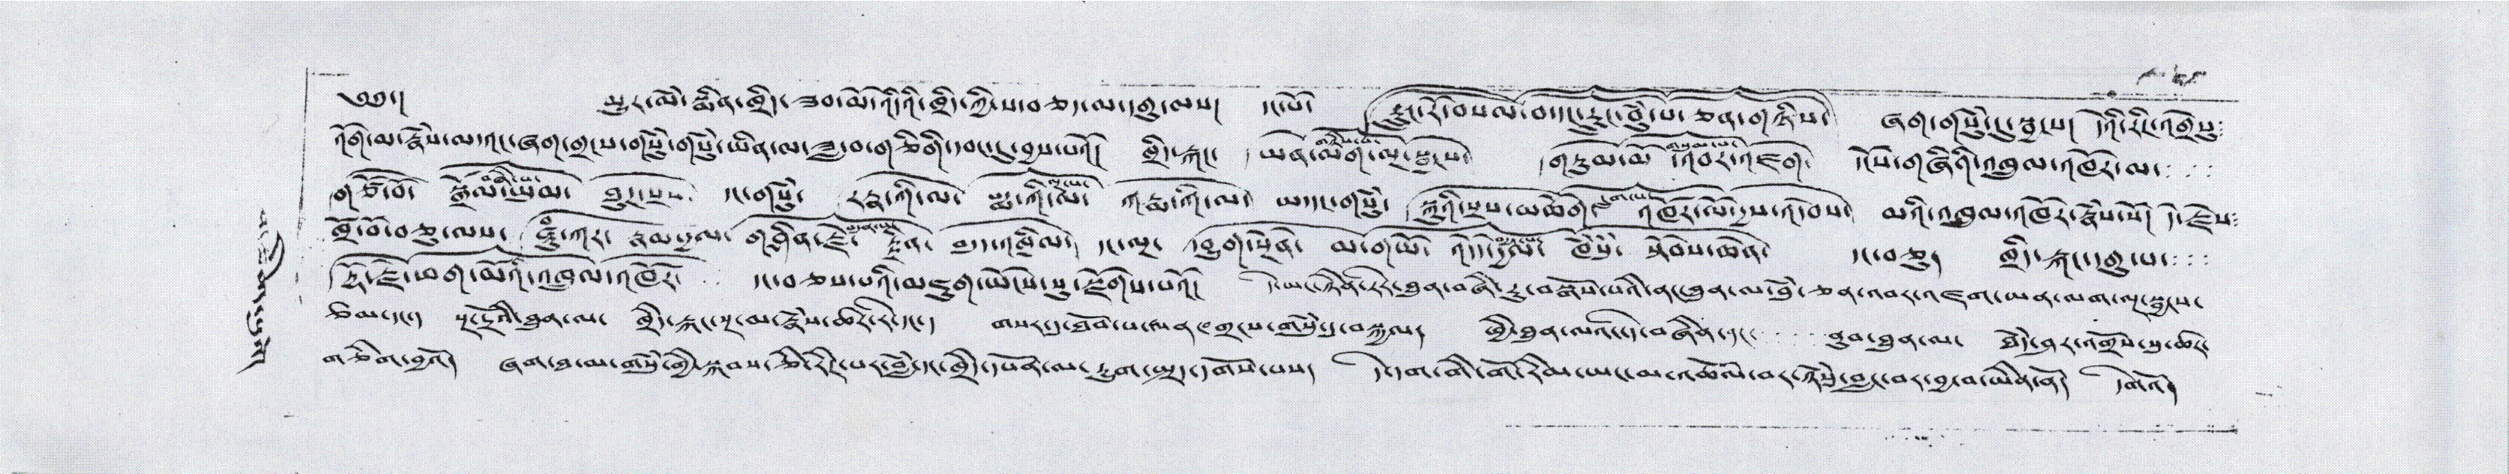༄༅།། མྱུར་ལམ་སྨིན་ཁྲིད་ཟབ་མོ་འདིའི་ཁྲིད་ཀྱི་ས་བཅད་ལ་དགུ་ལས། དང་པོ། རླུང་རོ་བསལ་བ་དང་རླུང་བུམ་པ་ཅན་གཉིས། ཞག་གསུམ་དུ་སྦྱངས། དེའི་རིང་འགྲེས་སུ་
འོག་མ་རྣམས་ལ་འང་ཞག་གྲངས་གསུམ་གསུམ་ཡིན་ལ་ཟླ་བ་གཅིག་གི་དབང་དུ་བྱས་པའོ། ཁྲིད་རྐང། ཡན་ལག་ལྔ་སྦྱངས། གཏུམ་མོ་འབར་འཛག དངོས་གཞིའི་འཁྲུལ་འཁོར་ལ་
གཙོ་བོ། སྒྲོལ་ཡུམ། ཐུགས་སྲས་དང་གསུམ། རརྣ་ཀི་ལ། པདྨ་ཀི་ལ། ཀརྨ་ཀི་ལ་ཡ་དང་གསུམ། སྐུའི་སྲས་མཆོག་འཁོར་ལོ་རྒྱས་འདེབས་མའི་འཁྲུལ་འཁོར་རྣམས་སོ། དེ་རྗེས་
ཁྲོ་བོ་བཅུ་ལས། ཧཱུྃ་ཀར། རྣམ་རྒྱལ། གཤིན་རྗེ། རྟེན་འབྲེལ། བདུད་འཁྱིལ། དང་ལྔ། དབྱུག་སྔོན། མ་གཡོ། འདོད་རྒྱལ། ཁམས་སུམ། སྟོབས་ཆེན། དང་བཅུ། ཁྲིད་རྐང་དགུ་པ་
རྡོ་རྗེ་ཕག་མོའི་འཁྲུལ་འཁོར་དང་བཅས་པའི་མཇུག་ཡོངས་སུ་རྫོགས་པའོ། དེ་ཡང་ཉིན་རེར་ཐུན་བཞི་རུ་བསྒོས་པའི་ནང་ཐུན་ལ་བུམ་ཅན་འབར་འཛག་ཡན་ལག་ལྔ་སྦྱངས་
ཙམ་དང། སྔ་དྲོའི་ཐུན་ལ། ཁྲིད་རྐང་སྔ་མ་རྣམས་ཚར་རེ་དང། གསར་དུ་ཐོབ་པ་ལན་གྲངས་གསུམ་དུ་བསྐྱལ། ཕྱི་ཐུན་ལའང་དེ་བཞིན་དང་ནུབ་ཐུན་མ། ཐམས་ཅད་ཤར་འགྲོས་སུ་ཚར་
གཅིག་བྱའོ། ཞག་ཐ་མ་གསུམ་གྱི་སྐབས་ཅི་རིགས་པར་བླ་མ་དང་ཁྲིད་དཔོན་ལ་རྒྱུག་སྤྲད་དགོས་པས། དེ་དག་གི་གོ་རིམ་ཡང་མ་འཆོལ་བར་ཉམས་སུ་བླང་བར་བྱ་བ་ཡིན་ནོ། དགེའོ།